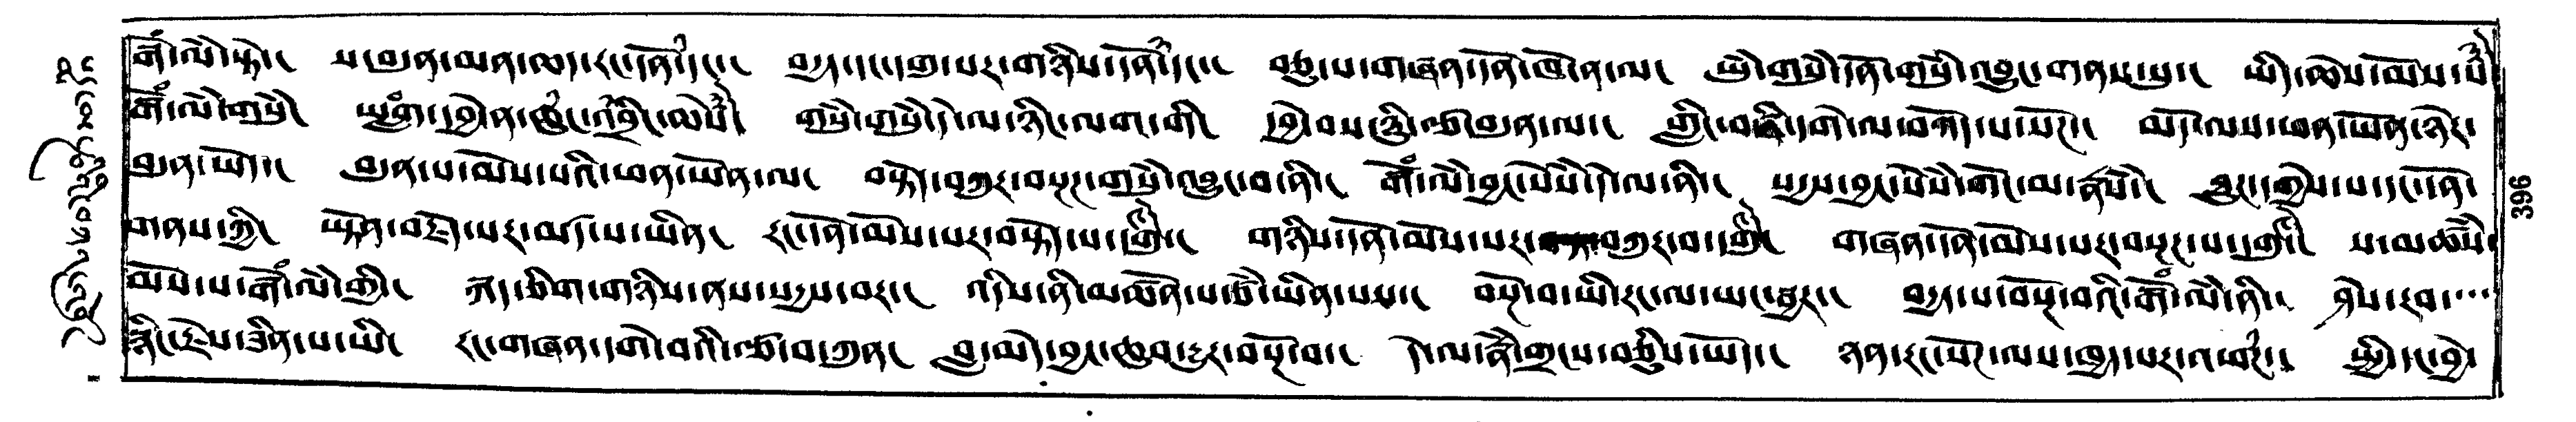སྒོམ་ལམ་སྟེ། །ས་བདུན་མན་ཆད་རང་དོན་དང་། །བརྒྱད་དང་དགུ་པར་གཉིས་དོན་དང་། །བཅུ་པ་གཞན་དོན་ཁོ་ན་ལ། །ཡུམ་གསུམ་དོན་གསུམ་འབྱུང་གནས་སུ། །ཡིད་ཆེས་མོས་པ་
སྒོམ་ལམ་གསུམ། །ཡན་ལག་དབྱེ་ན་ཆུང་འབྲིང་ཆེས། །གསུམ་གསུམ་དེ་ལ་ཉིང་ལག་གི །དབྱེ་བས་ཉི་ཤུ་རྩ་བདུན་ལ། །གླིང་བཞི་དགེ་ལ་བཀོད་པ་སོགས། །མདོ་ལས་ཕན་ཡོན་ཉཻར་
བདུན་ཡོད། །བདུན་པ་མོས་པའི་ཕན་ཡོན་ལ། །བསྟོད་བཀུར་བསྔགས་གསུམ་འབྱུང་བ་ནི། །སྒོམ་ལམ་བྱང་སེམས་དེ་ལ་ནི། །སངས་རྒྱས་བྱང་སེམས་གོང་མ་རྣམས། །ཐུགས་དགྱེས་པ་དང་དོན་
གནས་ཀྱི། །ཡོན་ཏན་བརྗོད་པར་མཛད་པ་ཡིན། །རང་དོན་མོས་པར་བསྟོད་པ་དགུ། །གཉིས་དོན་མོས་པར་བཀུར་བ་དགུ། །གཞན་དོན་མོས་པར་བསྔགས་པ་དགུ། །ས་མཚམས་
མོས་པ་སྒོམ་ལམ་གྱི། །སྐད་ཅིག་གཉིས་ནས་སངས་རྒྱས་བར། །འདིས་ནི་མཚོན་པ་ཙམ་ཡིན་པས། །བསྔོ་བ་ཡི་རང་ལ་ཡང་སྦྱར། །བརྒྱད་པ་བསྔོ་བའི་སྒོམ་ལམ་ནི། །ཤེས་རབ་
སྙིང་རྗེས་ཟིན་པ་ཡི། །རང་གཞན་དགེ་བའི་རྩ་བ་ཀུན། །བླ་མེད་བྱང་ཆུབ་རྒྱུར་བསྔོ་བ། །དེ་ལ་རྣམ་གྲངས་བཅུ་གཉིས་ཡོད། །ཉན་རང་སོགས་ལས་ཁྱད་པར་འཕགས། །སྤྱི་དང་བྱེ་